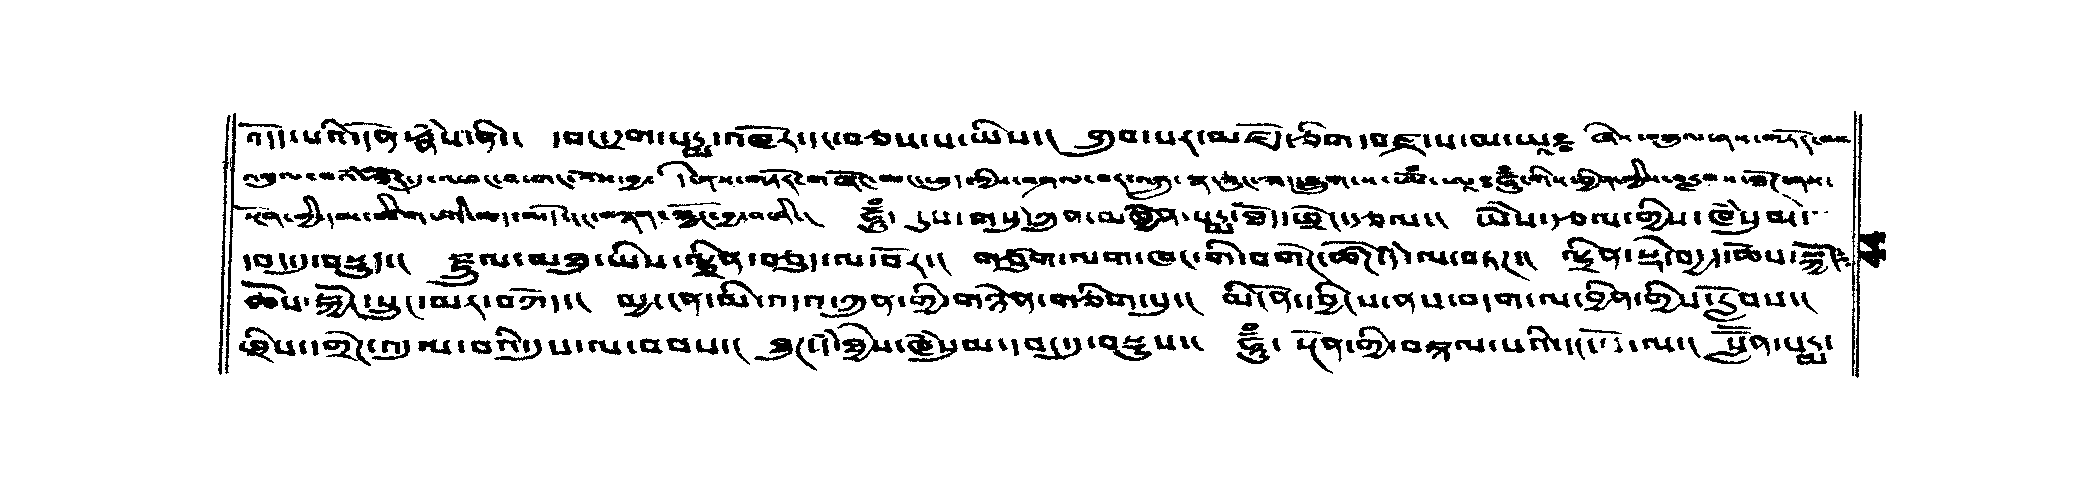འདོད་པའི་དོན་རྣམས་ནི། །དབང་དྲག་པདྨ་འཁོར་དང་བཅས་པ་ཡི། །གྲུབ་པར་མཛོད་ཅིག་བཛྲ་ས་མ་ཡཱ༔ ཞེས་བསྐུལ་ནས་གཏོར་མ་
འབུལ་བའམ་ཟོར་དུ་འཕང་བ་གང་འོས་བྱ། དེ་ནས་གཏོར་གཞོང་ཆང་ཕུད་ཀྱིས་བཤལ་བར་འབྲུ་སྣ་ཅུང་ཟད་བླུག་པ་ཨོྃ་ཨཱ་ཧཱུྃ་གིས་བྱིན་གྱིས་བརླབས་ཐོགས་ནས་
སྔོན་གྱི་དམ་ཚིག་གི་ཆད་མདོ་དང་བསྟན་སྐྱོང་བྱ་བ་ནི། ཧཱུྃ། དུས་གསུམ་ཀུན་ཁྱབ་པདྨ་ཐོད་ཕྲེང་རྩལ། །ཡེ་ཤེས་རྩལ་གྱི་ཁམས་གསུམ་
དབང་དུ་བསྡུད། །རྫུ་འཕྲུལ་མཐུ་ཡིས་ལྷ་སྲིན་བཅུད་ལ་བོར།།གཙུག་ལག་ཁང་གི་བགེགས་ཚོགས་དམ་ལ་བཏགས། །ལྷ་སྲིན་སྡེ་བརྒྱད་ཆོས་སྐྱོང་
སྲུང་མར་བཀོད། །མྱ་ངན་མི་འདའ་ཀུན་གྱི་གཉེན་ཅིག་པུ། །མི་མངོན་དབྱིངས་ནས་བདག་ལ་བྱིན་གྱིས་རློབས། །
ཕྲིན་ལས་དགྲ་བགེགས་འདུལ་བའི་དུས་ལ་བབས། །ཐུགས་དམ་ཐུགས་རྗེས་ཁམས་གསུམ་དབང་དུ་བསྡུས། །ཧཱུྃ། སྔོན་གྱི་བསྐལ་པའི་དང་པོ་ལ། །སློབ་དཔོན་པདྨ་